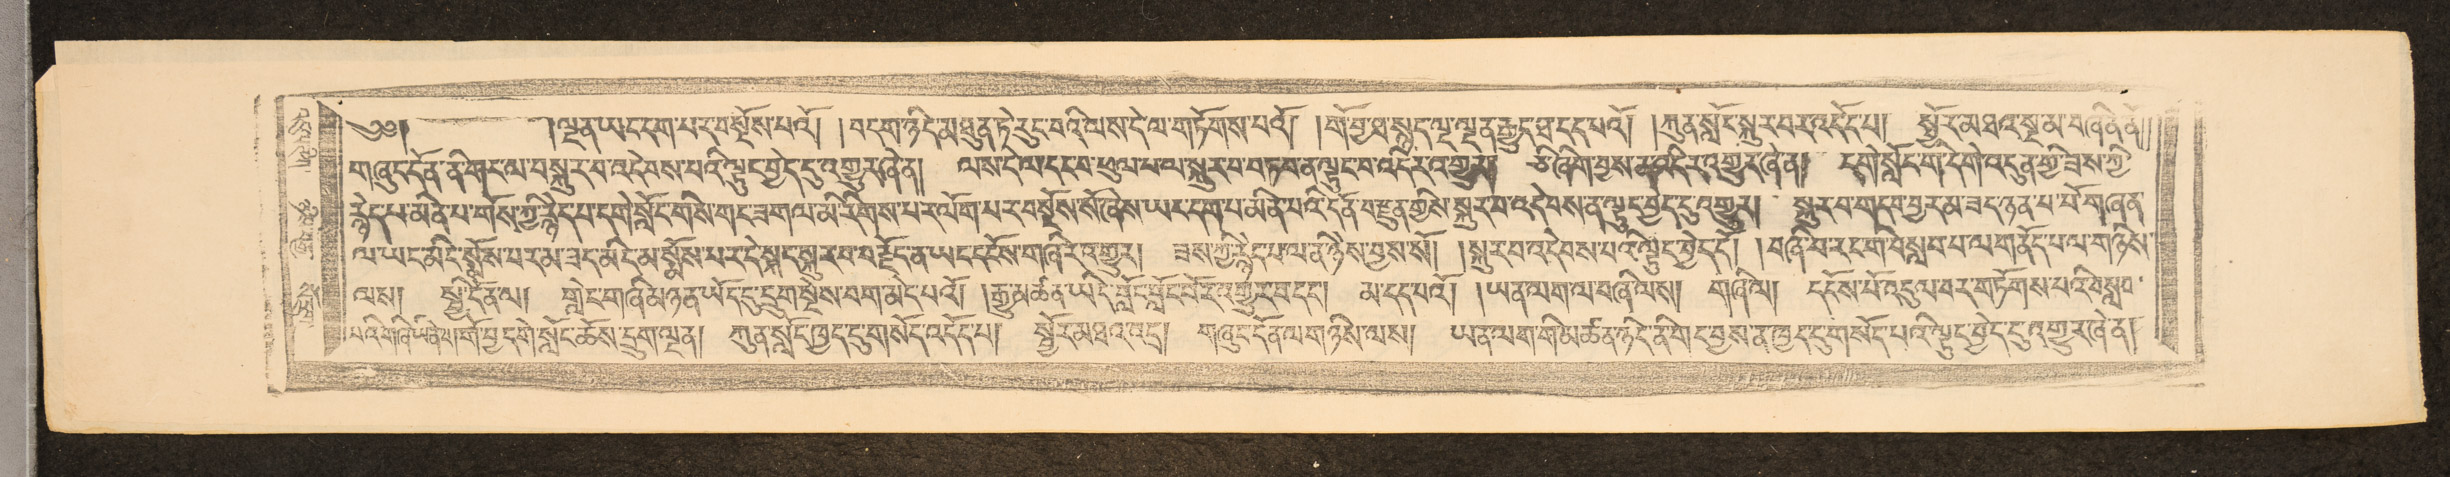༄༅། །ལྡན་ཡང་དག་པར་བསྡོས་བའོ། །བདག་ཉིད་མཐུན་ཏེ་རུང་བའི་ལས་དེ་ལ་གཏོགས་བའོ། །གོ་བྱ་ཐ་སྙད་ལྔ་ལྡན་རྒྱུད་ཐ་དད་པའོ། །ཀུན་སློང་སྐུར་བར་འདོད་པ། སྦྱོར་མཐའ་སྔ་མ་བཞིན་ནོ།།
གཞུང་དོན་ནི་གང་ལ་བསྐུར་བ་འདེབས་པའི་ལྟུང་བྱེད་དུ་འགྱུར་ཞེ་ན། ལས་དེ་ལ་དང་བ་ཕུལ་བ་ལ་སྐུར་བ་བཏབ་ན་ལྟུང་བ་འདིར་འགྱུར། ཅི་ཞིག་བྱས་ན་འདིར་འགྱུར་ཞེ་ན། དགེ་སློང་གི་དགེ་འདུན་གྱི་ཟས་ཀྱི་
རྙེད་པ་མིན་པ་གོས་ཀྱི་རྙེད་པ་དགེ་སློང་གིས་གང་ཟག་ལ་མི་རིགས་པར་ལོག་པར་བསྔོས་སོ་ཞེས་ཡང་དག་པ་མིན་པའི་དོན་བརྫུན་གྱིས་སྐུར་པ་འདེབས་ན་ལྟུང་བྱེད་དུ་འགྱུར། སྐུར་པ་གདབ་བྱར་མ་ཟད་ཉན་པ་པོ་གཞན་
ལ་ཡང་མིང་སྨོས་བར་མ་ཟད་མིང་མ་སྨོས་བར་དེ་སྐད་སྐུར་བ་བརྗོད་ན་ཡང་དངོས་གཞིར་འགྱུར། ཟས་ཀྱི་རྙེད་བ་ལ་ནི་ཉེས་བྱས་སོ། །སྐུར་བ་འདེབས་བའི་ལྟུང་བྱེད་དོ། །བཞི་པ་རང་གི་བསླབ་པ་ལ་གནོད་བ་ལ་གཉིས་
ལས། སྤྱི་དོན་ལ། གླེང་གཞི་མཉན་ཡོད་དུ་དྲུག་སྡེས་བག་མེད་བའོ། །རྒྱུ་མཚན་ཡིད་བློང་བློང་བོར་འགྱུར་བ་དང་། མ་དད་པའོ། །ཡན་ལག་ལ་བཞི་ལས། གཞི་ལ། དངོས་པོ་འདུལ་བར་གཏོགས་པའི་བསླབ་
པའི་གཞི་ཡིན་བ། གོ་བྱ་དགེ་སློང་ཆོས་དྲུག་ལྡན། ཀུན་སློང་ཁྱད་དུ་གསོད་འདོད་པ། སྦྱོར་མཐའ་འདྲ། གཞུང་དོན་ལ་གཉིས་ལས། ཡན་ལག་གི་མཚན་ཉིད་ནི་གང་བྱས་ན་ཁྱད་དུ་གསོད་པའི་ལྟུང་བྱེད་དུ་འགྱུར་ཞེ་ན།